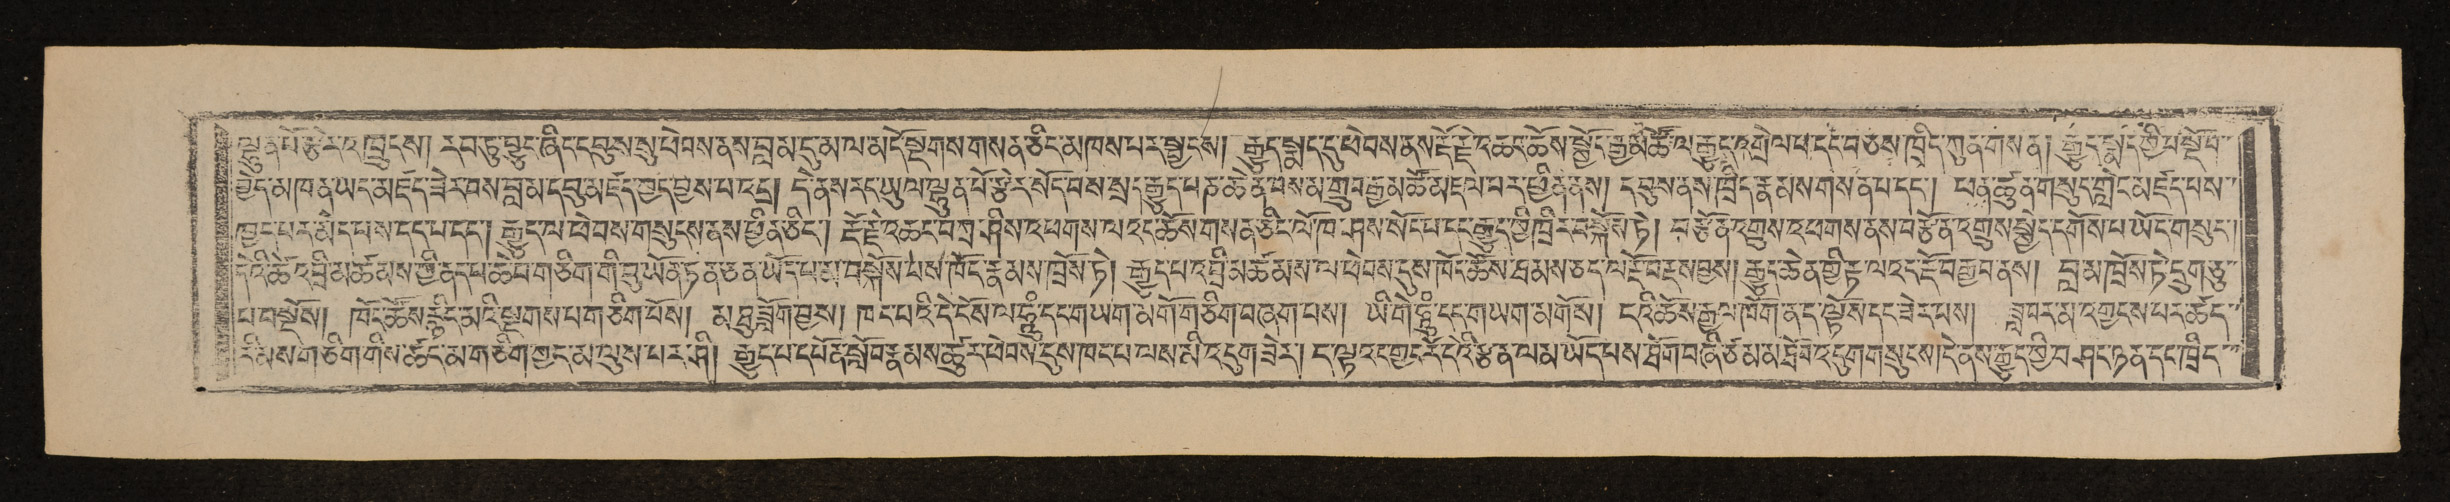ལྷུན་པོ་རྩེར་འཁྲུངས། རབ་ཏུ་བྱུང་ཞིང་དབུས་སུ་ཕེབས་ནས་བླ་མ་དུ་མ་ལ་མདོ་སྔགས་གསན་ཅིང་མཁས་པར་སྦྱངས། རྒྱུད་སྨད་དུ་ཕེབས་ནས་རྡོ་རྗེ་འཆང་ཆོས་སྐྱོང་རྒྱ་མཚོ་ལ་རྒྱུད་འགྲེལ་པ་དང་བཅས་ཁྲིད་ཀུན་གསན། རྒྱུད་སྨད་ཀྱི་བསྔོ་བ་
བྱེད་མཁན་ཡང་མཛད་ཟེར་བས་བླ་མ་དབུ་མཛད་ཀྱང་བྱས་བ་འདྲ། དེ་ནས་རང་ཡུལ་ལྷུན་པོ་རྩེར་སོང་བས་སྲད་རྒྱུད་པཎ་ཆེན་བསམ་གྲུབ་རྒྱ་མཚོ་མཇལ་པར་ཕྱིན་ནས། དབུས་ནས་ཁྲིད་རྣམས་གསན་པ་དང་། ཕན་ཚུན་གསུང་གླེང་མཛད་པས་
ཁྱད་པར་མེད་པས་དད་པ་དང་། རྒྱུད་ལ་ཕེབས་གསུངས་ནས་ཕྱིན་ཅིང་། རྡོ་རྗེ་འཆང་བཀྲ་ཤིས་འཕགས་ལའང་ཆོས་གསན་ཅིང་ལོ་ཁ་ཤས་སོང་བ་དང་རྒྱུད་ཀྱི་ཁྲིར་བསྐོས་ཏེ། བརྩོན་འགྲུས་འཕགས་ནས་བརྩོན་འགྲུས་སྐྱེད་དགོས་པ་ཡོད་གསུང་།
དེའི་ཚེ་འབྲི་མཚམས་ཀྱི་ནང་པ་ཆེ་བ་གཅིག་གི་བུ་ཡོན་ཏན་ཅན་ཡོད་པ་མ་བསྐོས་པས་ཁོང་རྣམས་ཁྲོས་ཏེ། རྒྱུད་པ་འབྲི་མཚམས་ལ་ཕེབས་དུས་ཁོང་ཚོས་ཐམས་ཅད་ལ་རྡོ་བརྡས་བྱས། རྒྱུད་ཆེན་གྱི་རྟ་ལའང་རྡོ་བརྒྱབ་ནས། བླ་མ་ཁྲོས་ཏེ་དྲུག་ཅུ་
པ་བསྔོས། ཁོང་ཚོས་རྙིང་མའི་སྔགས་པ་གཅིག་པོས། མཐུ་ཟློག་བྱས། ཁང་པའི་དེ་ངོས་ལ་ཧཱུཾ་དང་གཡག་མགོ་གཅིག་བཞག་པས། ཡི་གེ་ཧཱུཾ་དང་གཡག་མགོས། ངའི་ཆོས་རྒྱལ་ཁོག་ན་ད་ལྟོས་དང་ཟེར་པས། ཟླ་བར་མ་འགྱངས་པར་ཚད་
རིམས་གཅིག་གིས་ཚང་མ་གཅིག་ཀྱང་མ་ལུས་པར་ཤི། རྒྱུད་པ་དཔོན་སློབ་རྣམས་ཚུར་ཕེབས་དུས་ཁང་པ་ལས་མི་འདུག་ཟེར། ད་ལྟའང་གྱང་རོ་དེའི་རྩ་ན་ལམ་ཡོད་པས་ཐོག་བཞི་ཙམ་མཐོ་བ་འདུག་གསུངས། དེ་ནས་རྒྱུད་ཀྱི་བཤད་ཉན་དང་ཁྲིད་